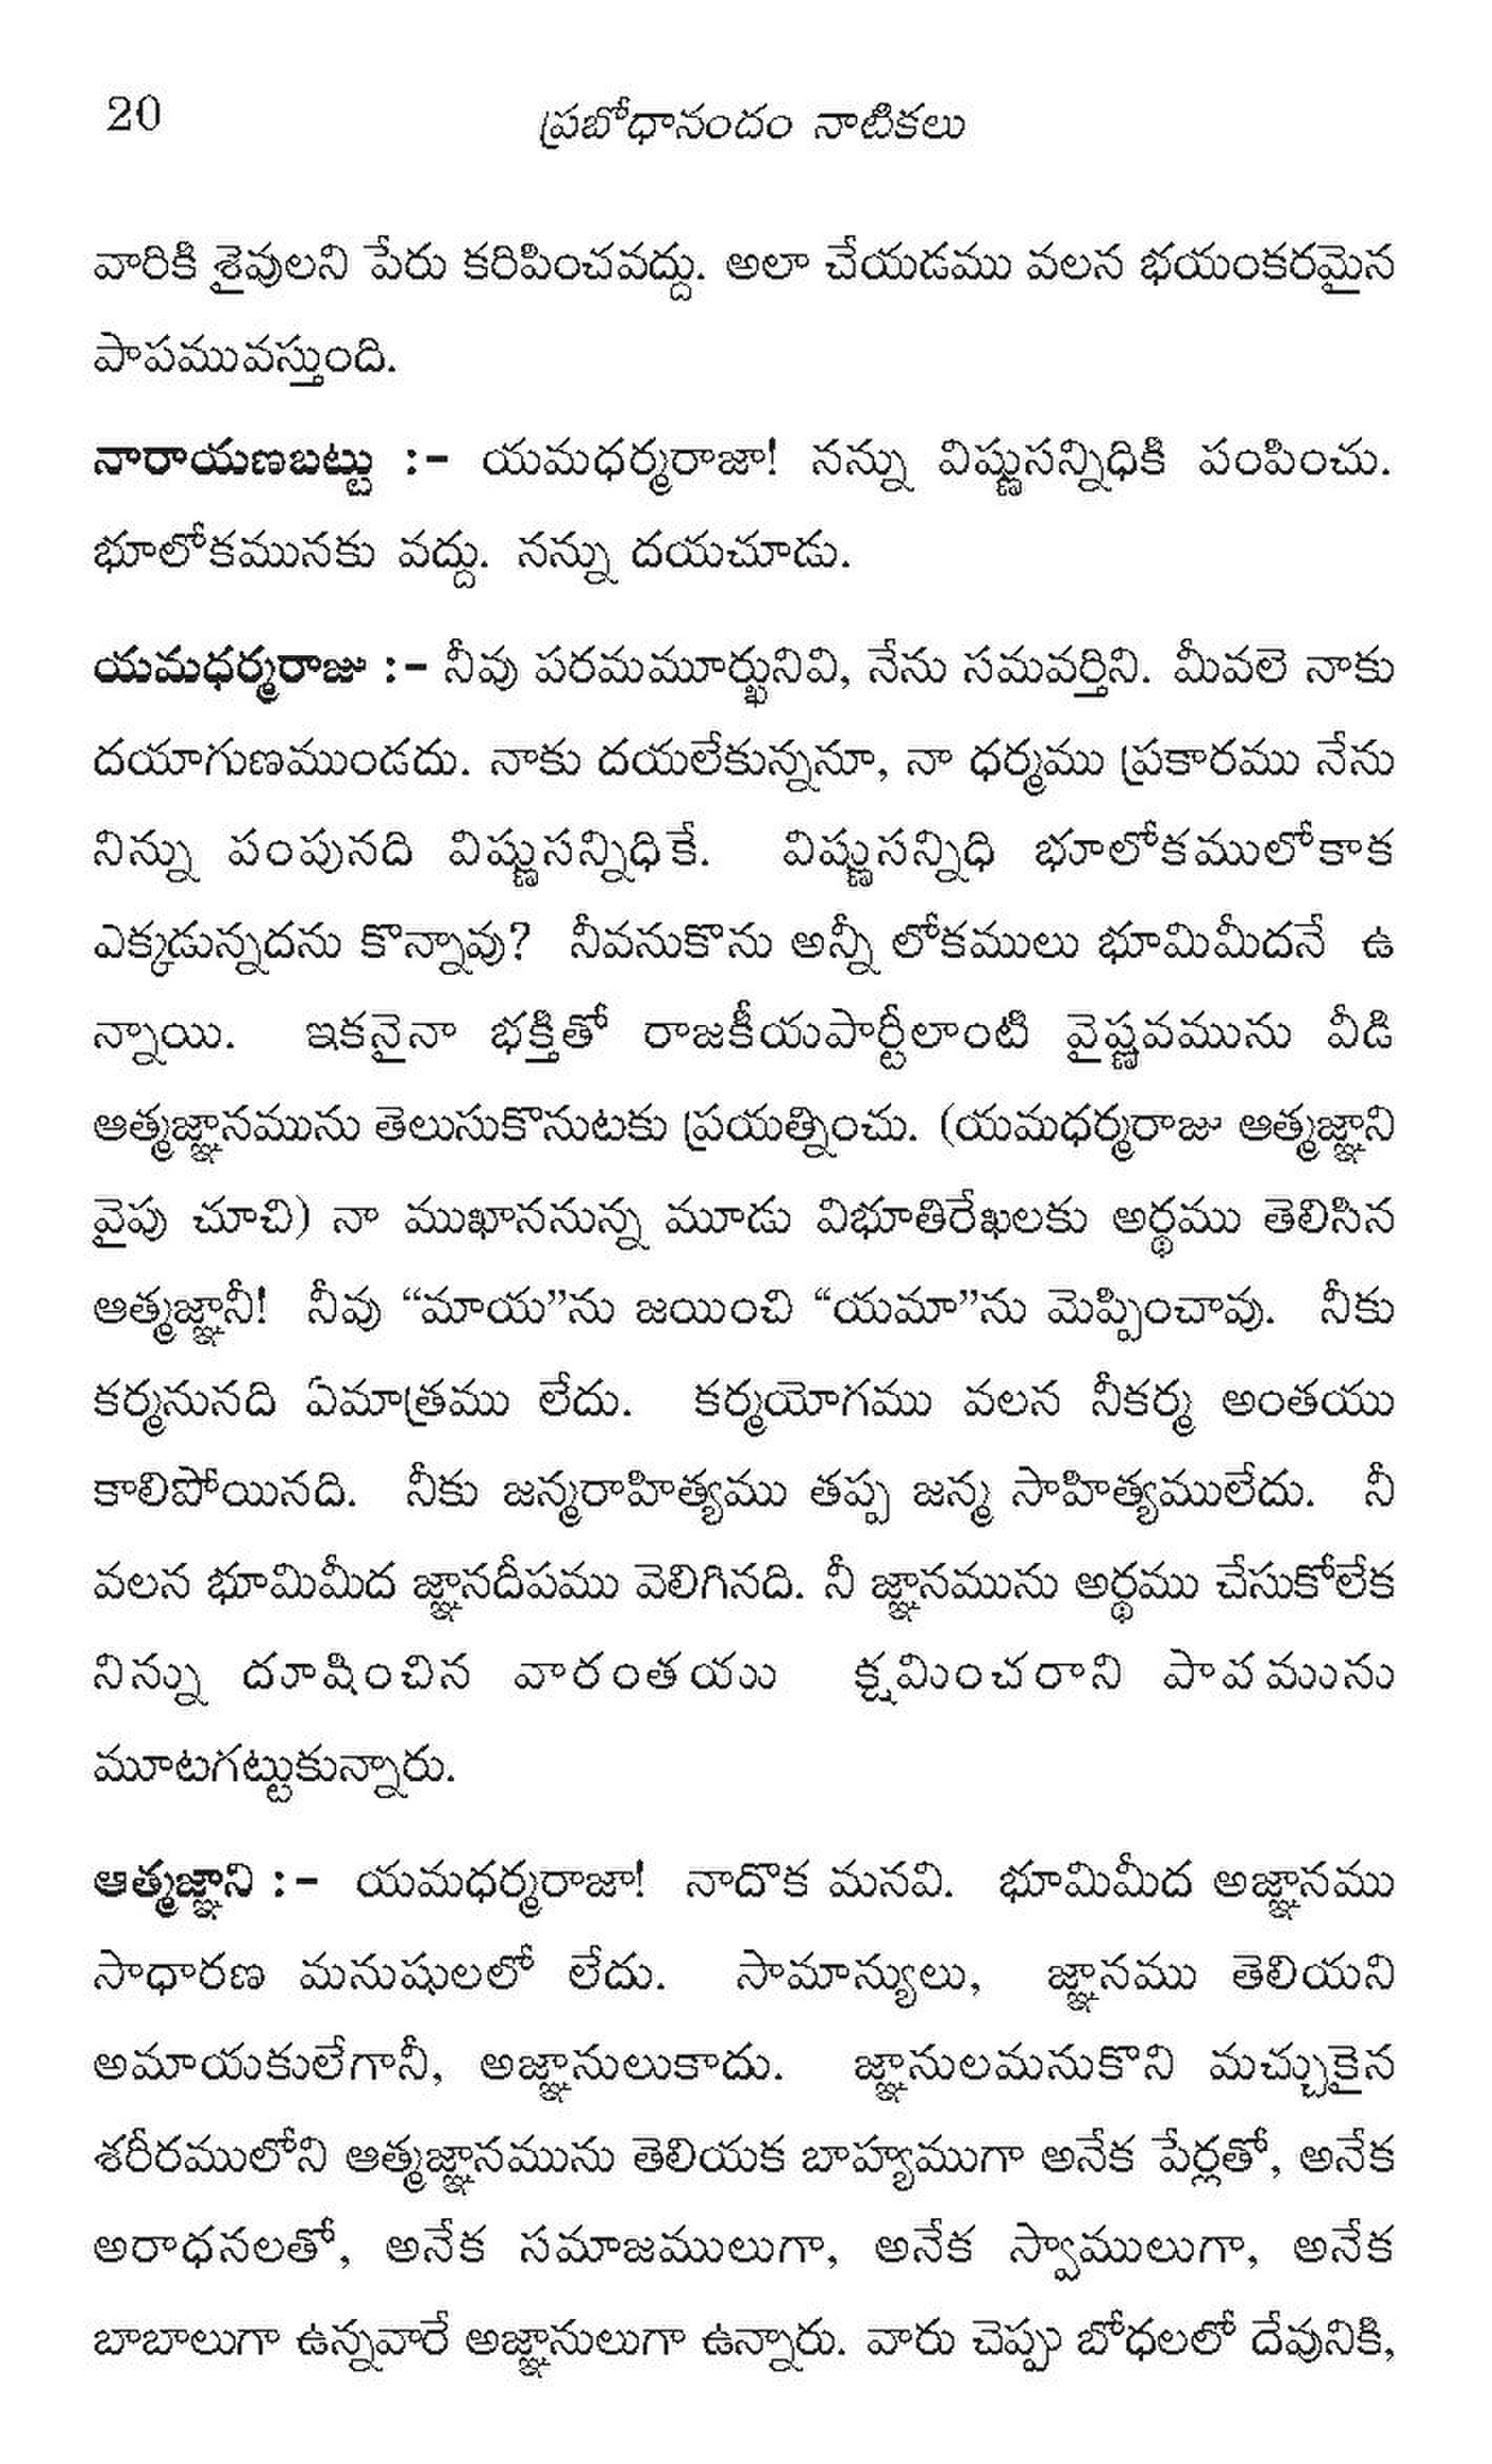వారికి శైవులని పేరు కరిపించవద్దు. అలా చేయడము వలన భయంకరమైన పాపమువస్తుంది.

నారాయణబట్టు :- యమధర్మరాజా! నన్ను విష్ణుసన్నిధికి పంపించు. భూలోకమునకు వద్దు. నన్ను దయచూడు. 

యమధర్మరాజు :- నీవు పరమమూర్ఖునివి, నేను సమవర్తిని. మీవలె నాకు దయాగుణముండదు. నాకు దయలేకున్ననూ, నా ధర్మము ప్రకారము నేను నిన్ను పంపునది విష్ణుసన్నిధికే. విష్ణుసన్నిధి భూలోకములోకాక ఎక్కడున్నదను కొన్నావు? నీవనుకొను అన్నీ లోకములు భూమిమీదనే ఉన్నాయి. ఇకనైనా భక్తితో రాజకీయపార్టీలాంటి వైష్ణవమును వీడి ఆత్మజ్ఞానమును తెలుసుకొనుటకు ప్రయత్నించు. (యమధర్మరాజు ఆత్మజ్ఞాని వైపు చూచి) నా ముఖాననున్న మూడు విభూతిరేఖలకు అర్థము తెలిసిన ఆత్మజ్ఞానీ! నీవు ‘‘మాయ’’ను జయించి ‘‘యమా’’ను మెప్పించావు. నీకు కర్మనునది ఏమాత్రము లేదు. కర్మయోగము వలన నీకర్మ అంతయు కాలిపోయినది. నీకు జన్మరాహిత్యము తప్ప జన్మ సాహిత్యములేదు. నీ వలన భూమిమీద జ్ఞానదీపము వెలిగినది. నీ జ్ఞానమును అర్థము చేసుకోలేక నిన్ను దూషించిన వారంతయు క్షమించరాని పాపమును మూటగట్టుకున్నారు.

ఆత్మజ్ఞాని :- యమధర్మరాజా! నాదొక మనవి. భూమిమీద అజ్ఞానము సాధారణ మనుషులలో లేదు. సామాన్యులు, జ్ఞానము తెలియని అమాయకులేగానీ, అజ్ఞానులుకాదు. జ్ఞానులమనుకొని మచ్చుకైన శరీరములోని ఆత్మజ్ఞానమును తెలియక బాహ్యముగా అనేక పేర్లతో, అనేక అరాధనలతో, అనేక సమాజములుగా, అనేక స్వాములుగా, అనేక బాబాలుగా ఉన్నవారే అజ్ఞానులుగా ఉన్నారు. వారు చెప్పు బోధలలో దేవునికి,